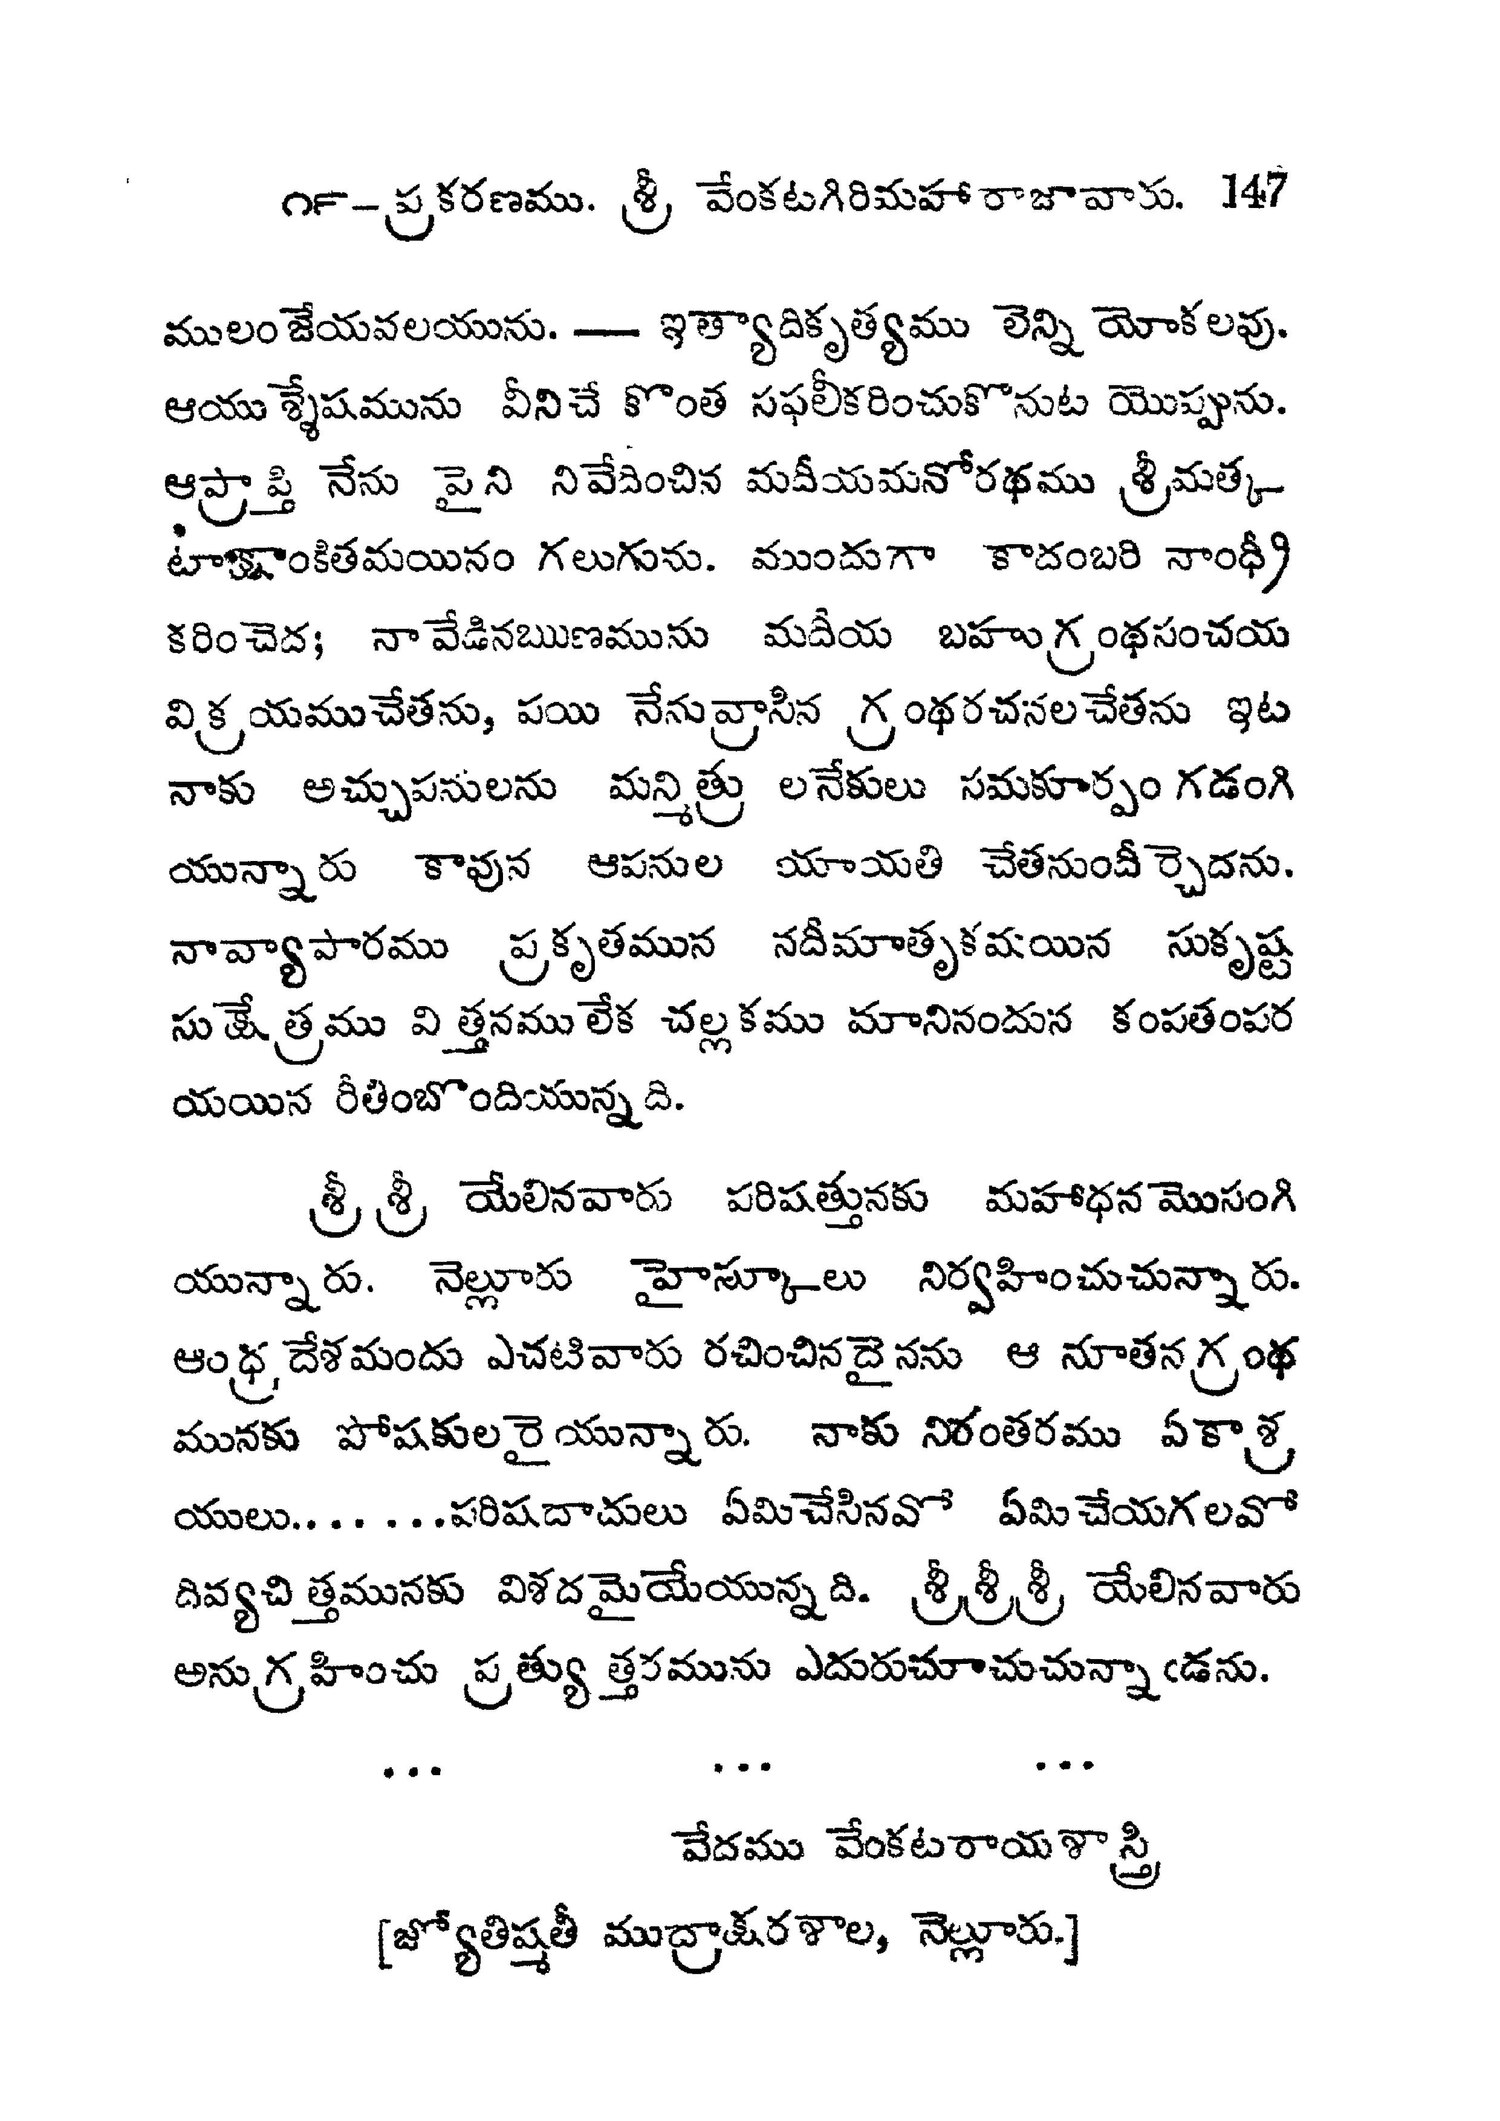ములంజేయవలయును.- ఇత్యాదికృత్యము లెన్ని యోకలవు. ఆయుశ్శేషమును వీనిచే కొంత సఫలీకరించుకొనుట యొప్పును. ఆప్రాప్తి నేను పైని నివేదించిన మదీయమనోరథము శ్రీమత్కటాక్షాంకితమయినం గలుగును. ముందుగా కాదంబరి నాంధ్రీకరించెద; నావేడినఋణమును మదీయ బహుగ్రంథసంచయ విక్రయముచేతను, పయి నేనువ్రాసిన గ్రంథరచనలచేతను ఇట నాకు అచ్చుపనులను మన్మిత్రు లనేకులు సమకూర్పం గడంగి యున్నారు. కావున ఆపనుల యాయతి చేతనుందీర్చెదను. నావ్యాపారము ప్రకృతమున నదీమాతృకమయిన సుకృష్ట సుక్షేత్రము విత్తనములేక చల్లకము మానినందున కంపతంపరమయిన రీతింబొందియున్నది.

శ్రీశ్రీ యేలినవారు పరిషత్తునకు మహాధనమొసంగి యున్నారు. నెల్లూరు హైస్కూలు నిర్వహించుచున్నారు. ఆంధ్రదేశమందు ఎచటివారు రచించినదైనను ఆ నూతనగ్రంథమునకు పోషకులరై యున్నారు. నాకు నిరంతరము ఏకాశ్రయులు........ పరిషదాదులు ఏమిచేసినవో ఏమిచేయగలవో దివ్యచిత్తమునకు విసదమైయేయున్నది. శ్రీశ్రీశ్రీ యేలినవారు అనుగ్రహించు ప్రత్యుత్తరమును ఎదురుచూచుచున్నాడను.

వేదము వేంకటరాయశాస్త్రి
[జ్యోతిష్మతీ ముద్రాక్షరశాల, నెల్లూరు.]